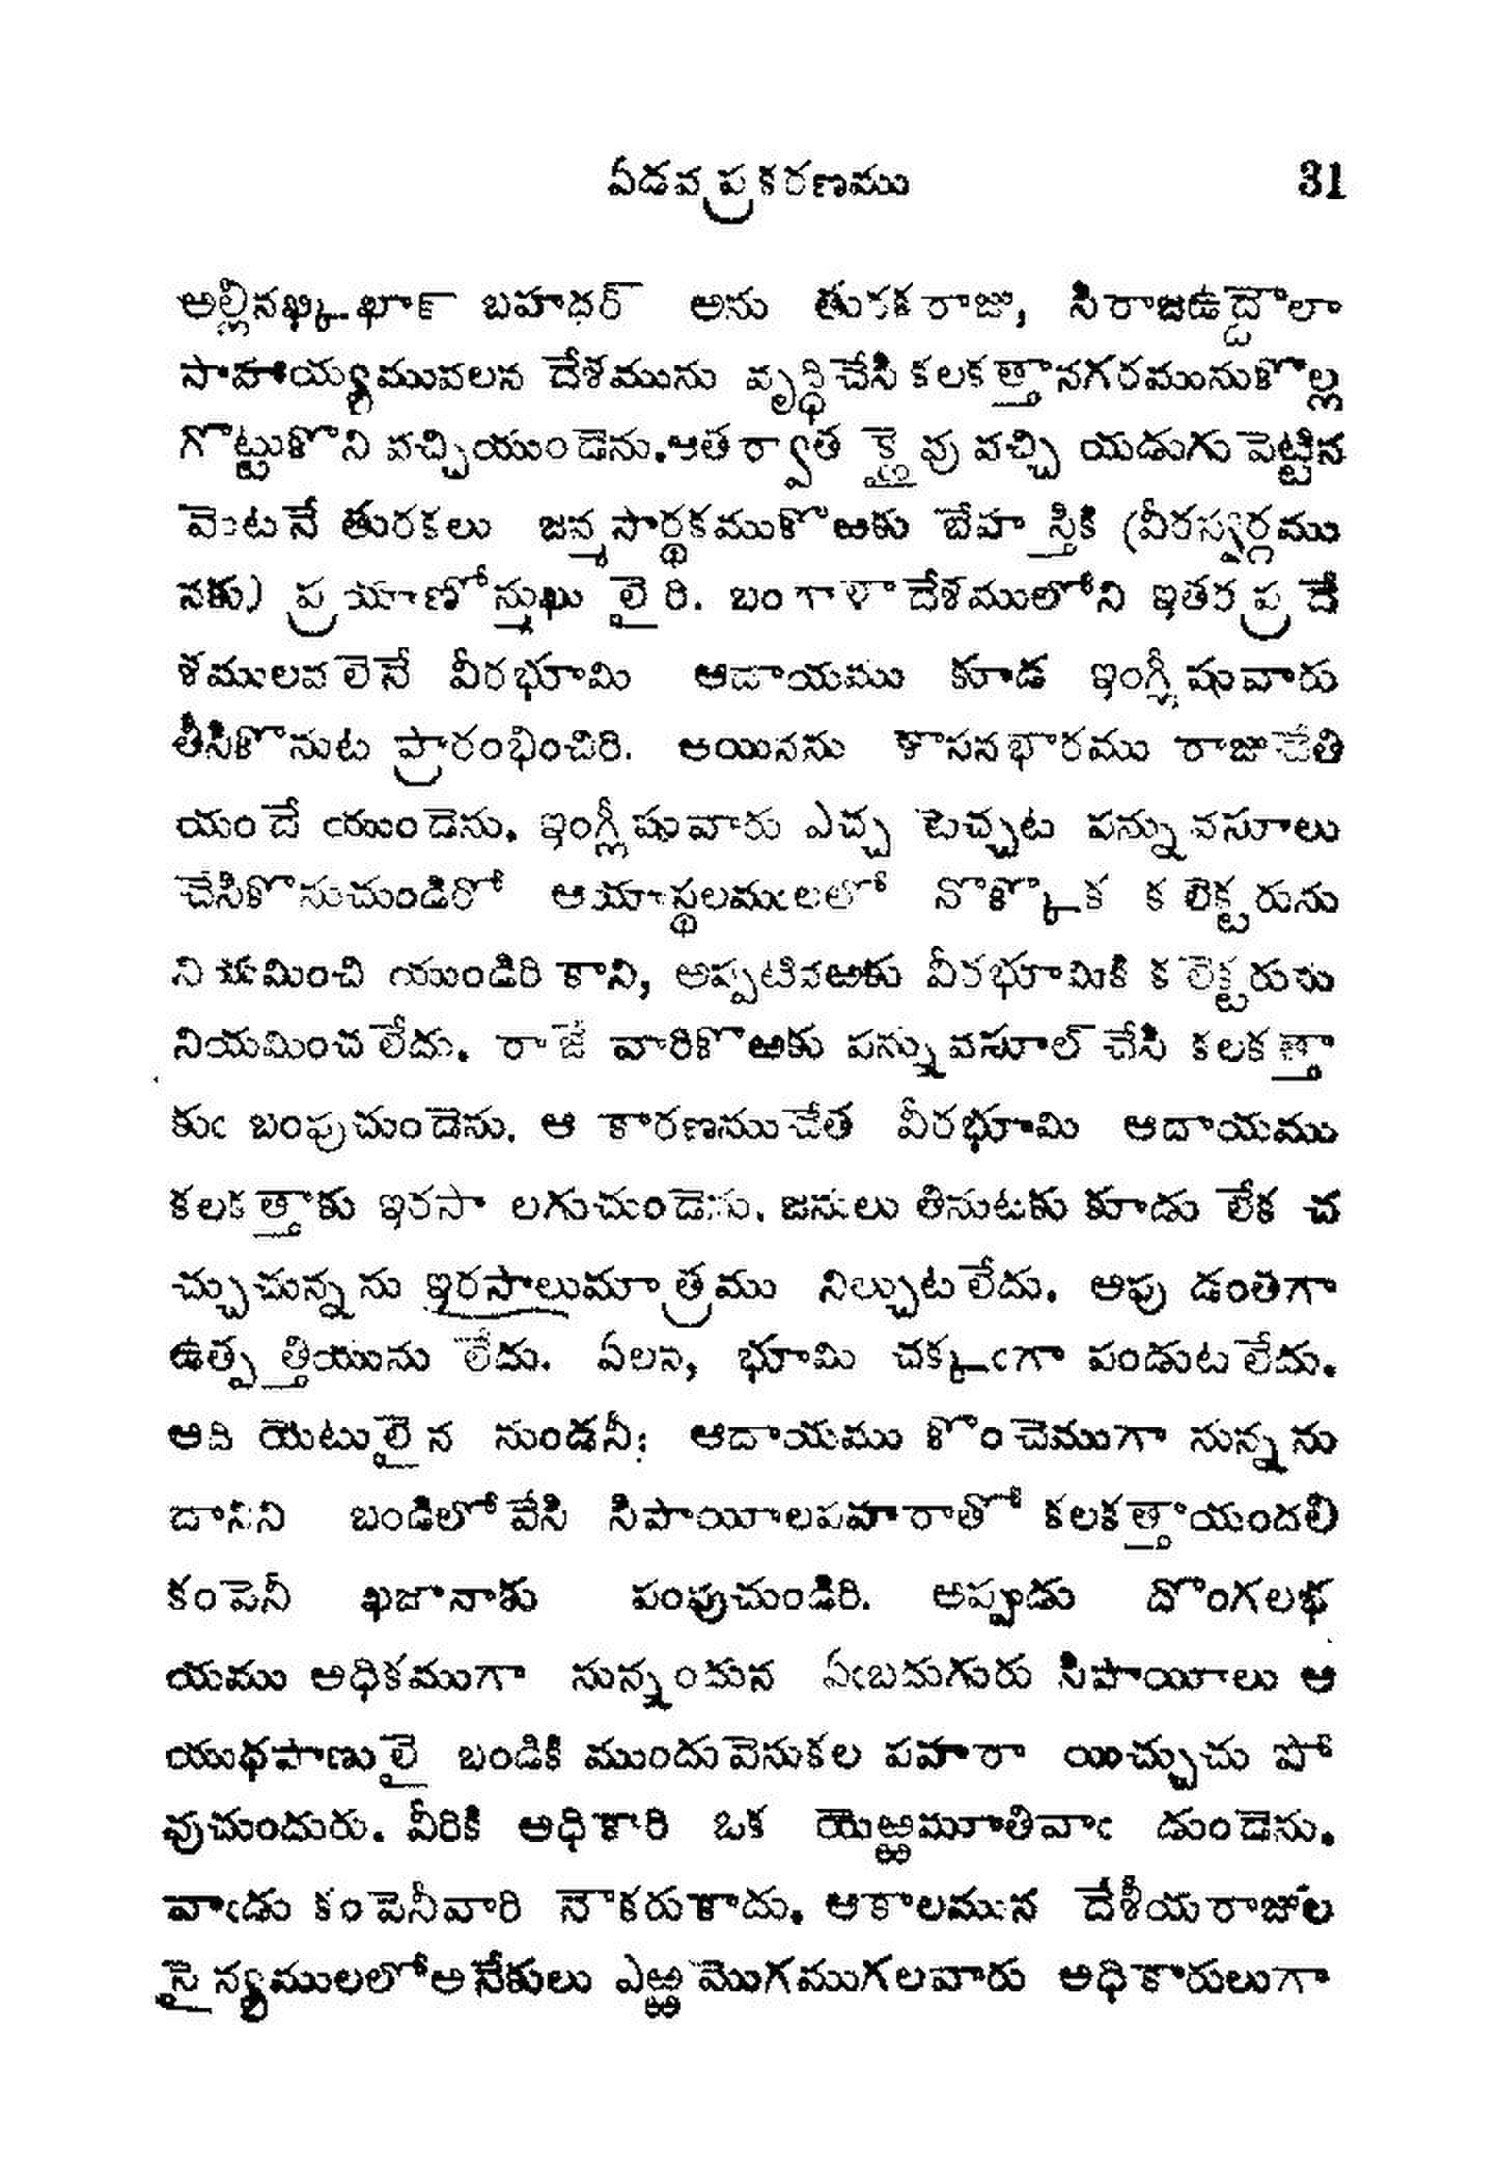అల్లినఖ్కి ఖా౯ బహధర్ అను తురక రాజు, సిరాజఉద్దౌలా సాహాయ్యమువలన దేశమును వృద్ధి చేసి కలకత్తానగరమునుకొల్ల గొట్టుకొని వచ్చియుండెను. ఆ తర్వాత క్లైవు వచ్చి యడుగు పెట్టిన వెంటనే తురకలు జన్మసార్థకము కోఱకు బేహ స్తికి (వీరస్వర్గముసకు) ప్రయాఱోన్ముఖు లైరి. బంగాళా దేశములోని ఇతర ప్రదేశములవలెనే వీరభూమి ఆదాయము కూడ ఇంగ్లీషువారు తీసికొనుట ప్రారంభించిరి. అయినను శాసనభారము రాజు చేతి యందే యుండెను. ఇంగ్లీషు వారు ఎచ్చ టేచ్చట పన్ను వసూలు చేసికొనుచుండిరో ఆయాస్థలములలో నొక్కొక కలెక్టరును నియమించి యుండిరి కాని, అప్పటివఱకు వీరభూమికి కలెక్టరును నియమించ లేదు. రాజే వారికొఱకు పన్ను వసూల్ చేసి కలకత్తాకుఁ బంపుచుండెను. ఆ కారణము చేత వీరభూమి ఆదాయము కలకత్తాకు ఇరసా లగుచుండెను. జనులు తినుటకు కూడు లేక చచ్చుచున్నను ఇరసాలుమాత్రము నిల్చుట లేదు. అపు డంతగా ఉత్పత్తియును "లేదు. ఏలన, భూమి చక్కఁగా పండుట లేదు.
అది యెటులైన నుండనీ: ఆదాయము కొంచెముగా నున్నను దానిని బండిలో వేసి సిపాయీలపహరాతో కలకత్తా యందలి కంపెనీ ఖజానాకు పంపుచుండిరి. అప్పుడు దొంగలభయము అధికముగా నున్నందున ఏఁబదుగురు సిపాయీలు ఆ యుధపాణులై బండికి ముందు వెనుకల పహరా యిచ్చుచు పోవుచుందురు. వీరికి అధికారి ఒక యెఱ్ఱమూతివాఁ డుండెను. వాఁడు కంపెనీ వారి నౌకరుకాదు, ఆకాలమున దేశీయ రాజుల సైన్యములలో అనేకులు ఎఱ్ఱ మొగముగలవారు అధికారులుగా